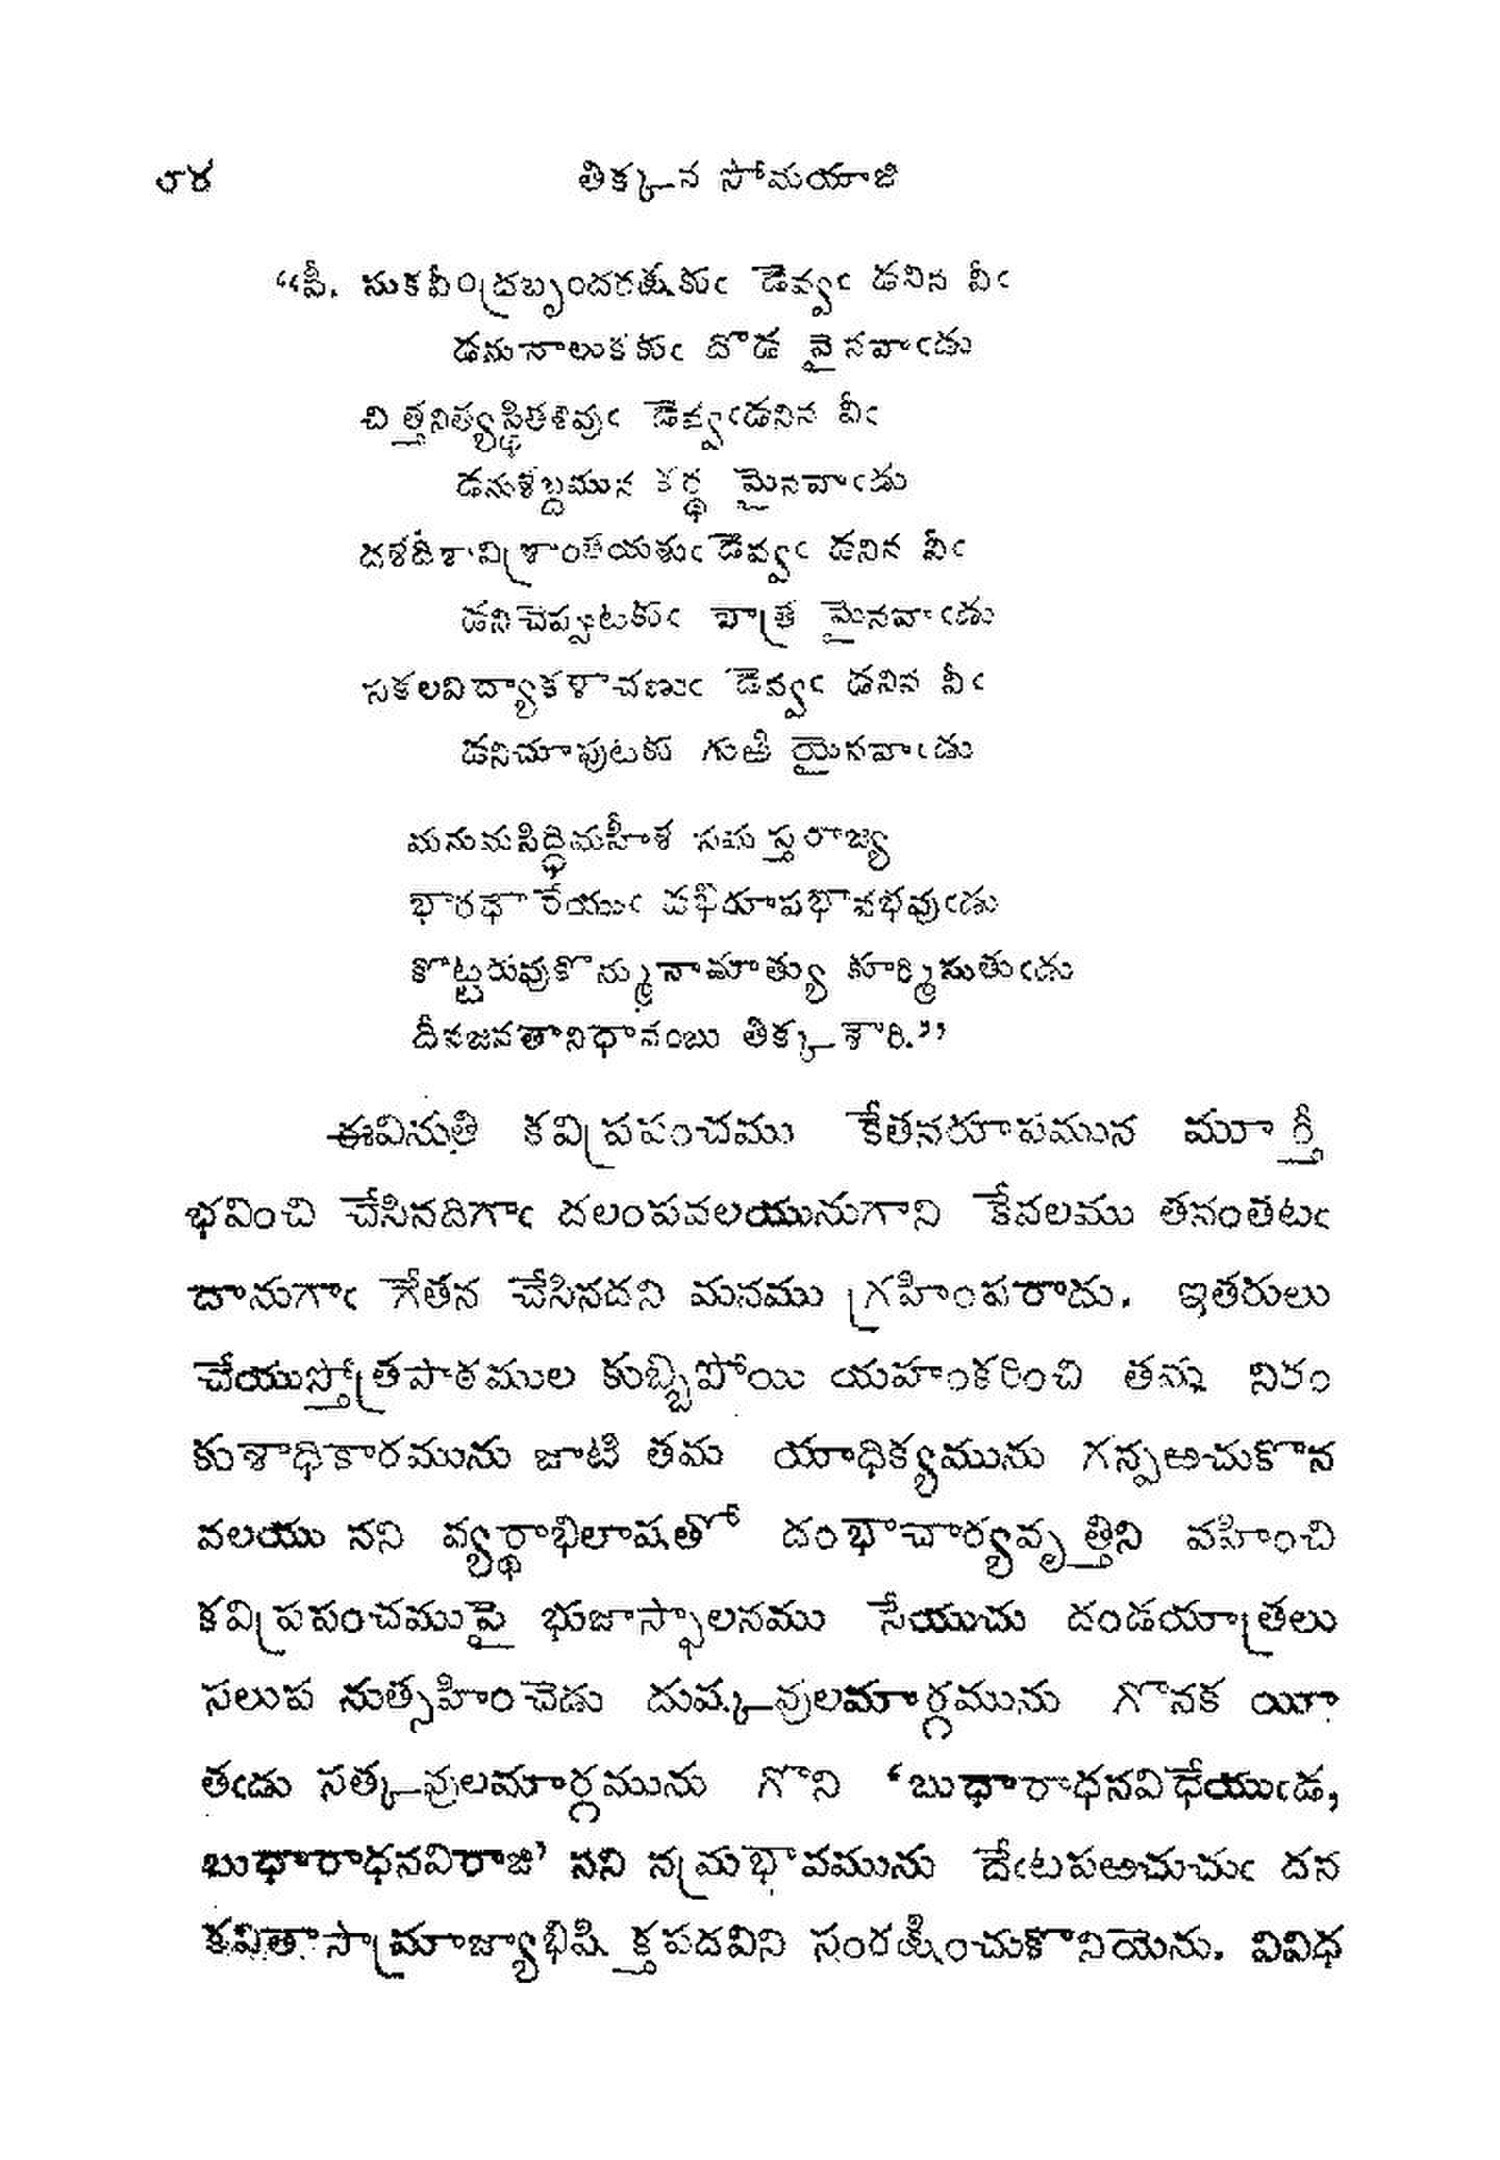"సీ. సుకవీంద్రబృందరక్షకుఁ డెవ్వఁ డనిన వీఁ
 డనునాలుకకుఁ దొడ వైనవాఁడు 
 చిత్తనిత్యస్థితశివుఁ డెవ్వఁడనిన వీఁ
 డనుశబ్దమున కర్థ మైనవాఁడు 
 దశదిశావిశ్రాంతయశుఁ డెవ్వఁ డనిన వీఁ
 డనిచెప్పుటకుఁ బాత్ర మైనవాఁడు 
 సకలవిద్యాకళాచణుఁ డెవ్వఁ డనిన వీఁ
 డనిచూపుటకు గుఱి యైనవాఁడు 

 మనుమసిద్ధిమహీశ సమస్తరాజ్య
 భారధౌరేయుఁ డభిరూపభావభవుఁడు 
 కొట్టరువుకొమ్మనామాత్యు కూర్మిసుతుఁడు
 దీనజనతానిధానంబు తిక్కశౌరి."
ఈవినుతి కవిప్రపంచము కేతనరూపమున మూర్తీభవించి చేసినదిగాఁ దలంపవలయునుగాని కేవలము తనంతటఁ దానుగాఁ గేతన చేసినదని మనము గ్రహింపరాదు. ఇతరులు చేయుస్తోత్రపాఠముల కుబ్బిపోయి యహంకరించి తమ నిరంకుశాధికారమును జాటి తమ యాధిక్యమును గన్పఱచుకొన వలయు నని వ్యర్థాభిలాషతో దంభాచార్యవృత్తిని వహించి కవిప్రపంచముపై భుజాస్ఫాలనము సేయుచు దండయాత్రలు సలుప నుత్సహించెడు దుష్కవులమార్గమును గొనక యీతఁడు సత్కవులమార్గమును గొని 'బుధారాధనవిధేయుఁడ, బుధారాధనవిరాజి' నని నమ్రభావమును దేఁటపఱచుచుఁ దన కవితాసామ్రాజ్యాభిషిక్తపదవిని సంరక్షించుకొనియెను. వివిధ